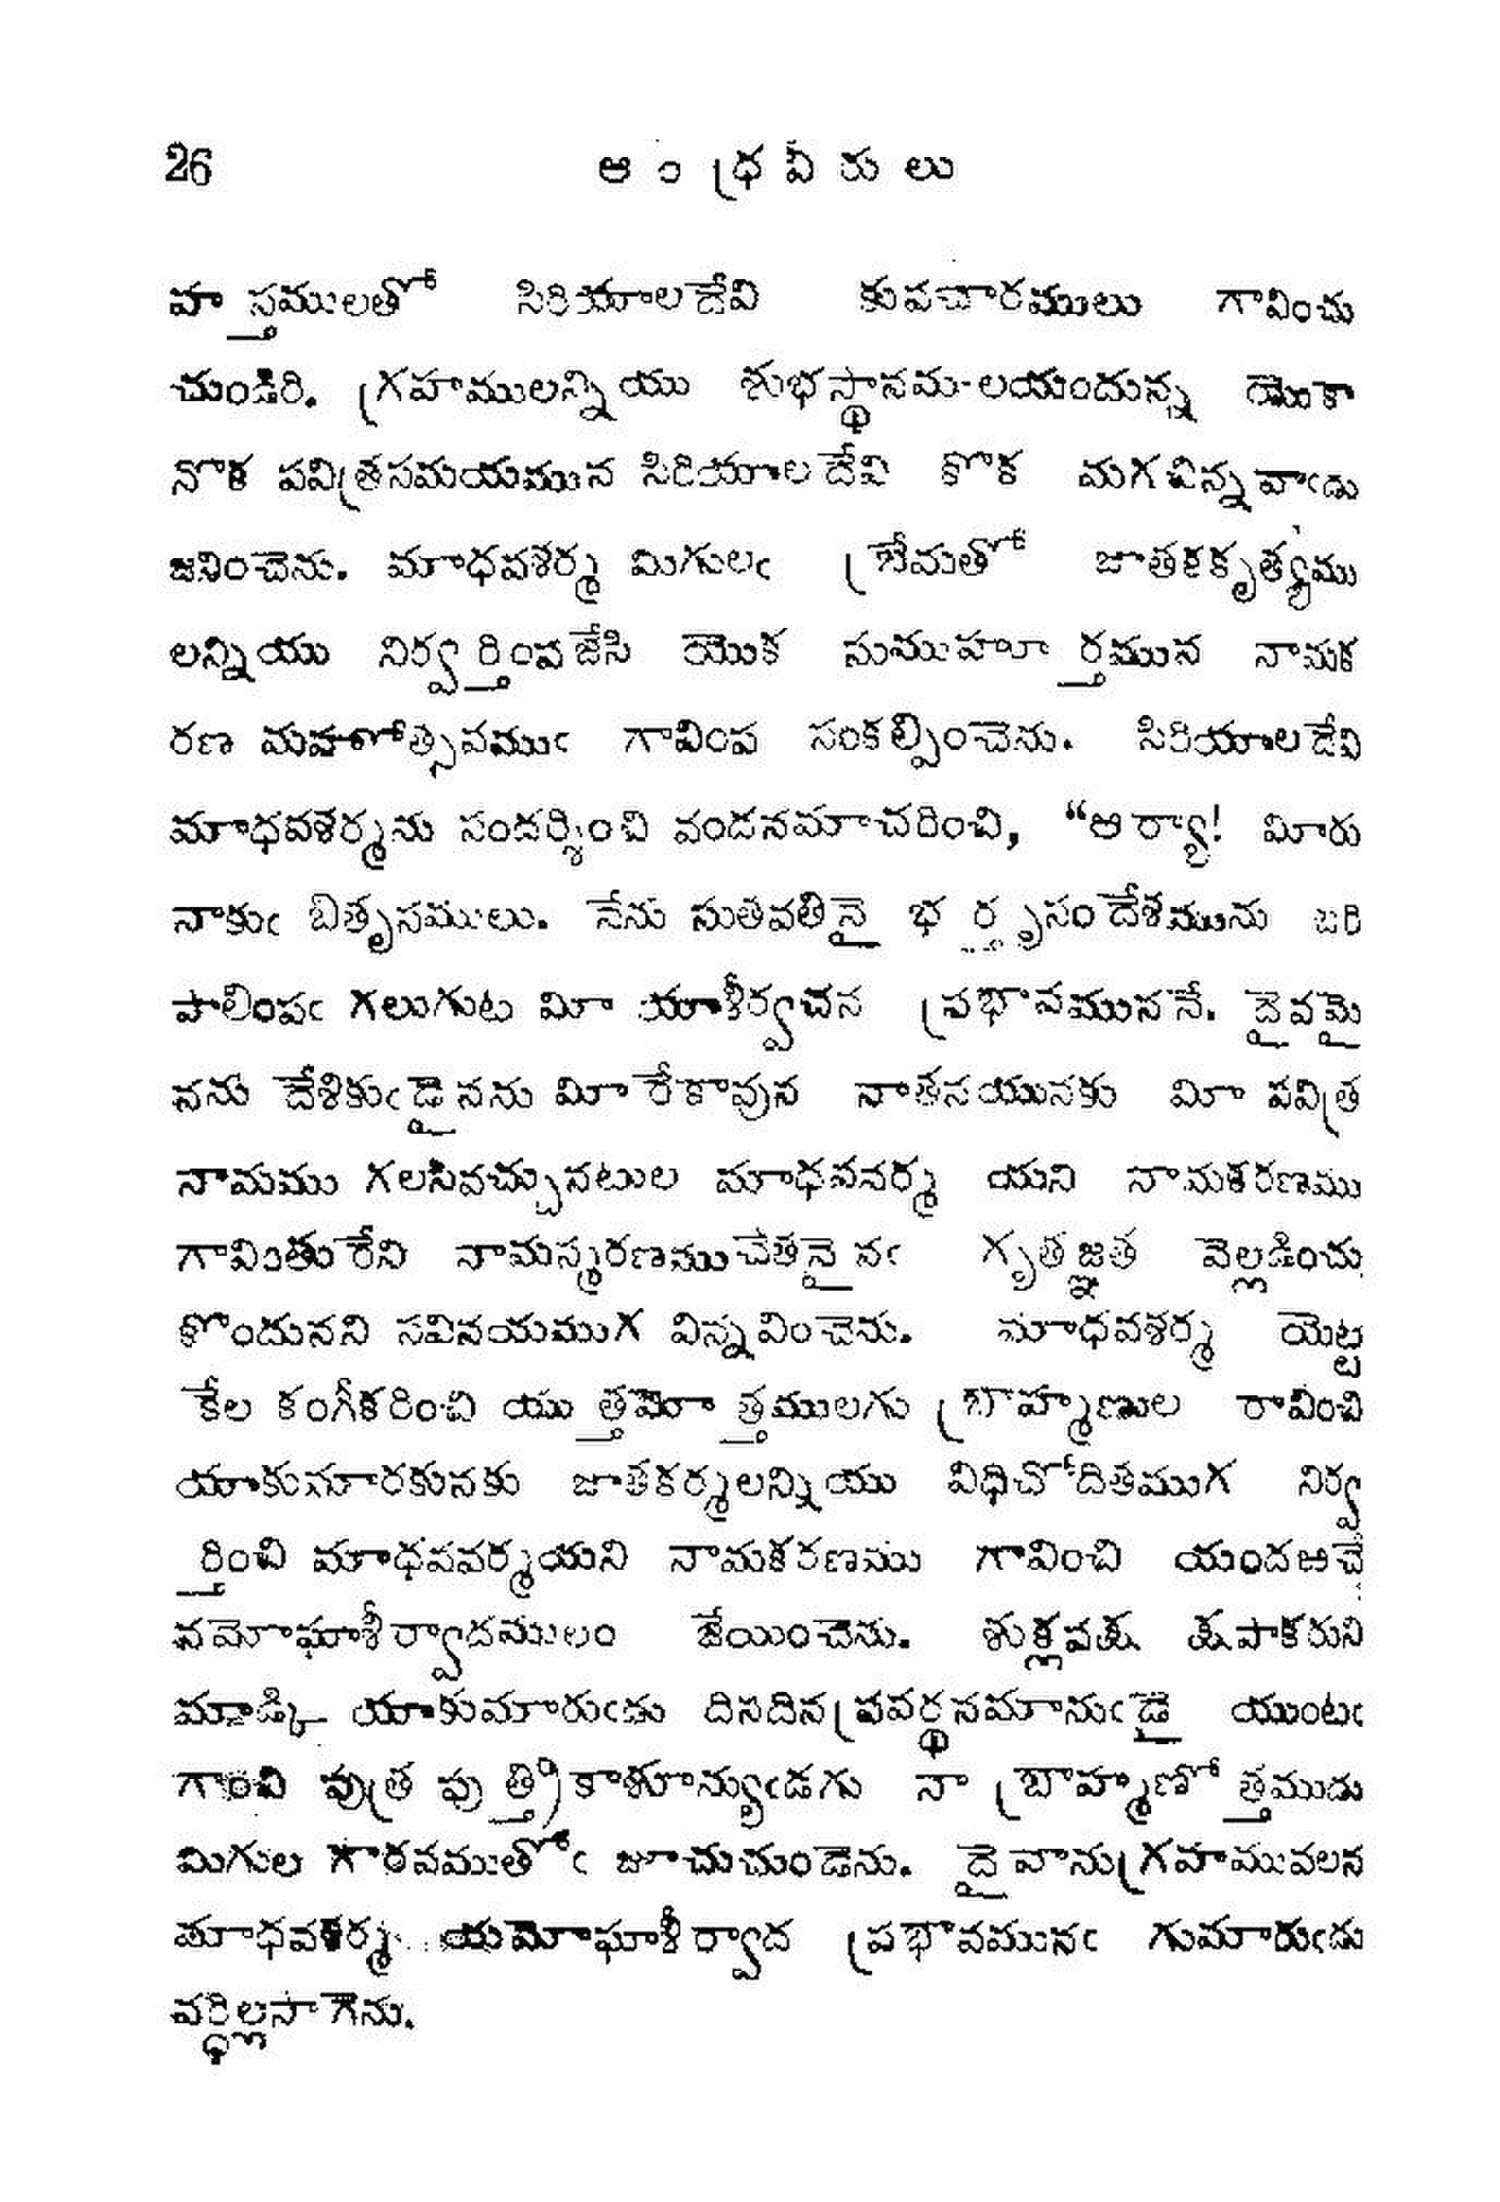హస్తములతో సిరియాలదేవి కుపచారములు గావించుచుండిరి. గ్రహములన్నియు శుభస్థానములయందున్న యొకానొక పవిత్రసమయమున సిరియాలదేవి కొక మగచిన్నవాడు జనించెను. మాధవశర్మ మిగుల బ్రేమతో జాతకకృత్యములన్నియు నిర్వర్తింపజేసి యొక సుముహూర్తమున నామకరణ మహోత్సవము గావింప సంకల్పించెను. సిరియాలదేవి మాధవశర్మను సందర్శించి వందనమాచరించి, "ఆర్యా! మీరు నాకు బితృసములు. నేను సుతవతినై భర్తృసందేశమును బరిపాలింప గలుగుట మీ యాశ్వీరచన ప్రభావముననే, దైవమైనను దేశికుడైనను మీరేకావున నాతనయునకు మీ పవిత్ర నామము గలసివచ్చినటుల మాధవవర్మ యని నామకరణము గావింతురేని నామస్మరణముచేతనైన గృతజ్ఞత వెల్లడించు కొందునని సవినయముగ విన్నవించెను. మాధవశర్మ యెట్టకేల కంగీకరించి యుత్తమోత్తములగు బ్రాహ్మణుల రావించి యాకుమారునకు జాతకర్మలన్నియు విధిచోదితముగ నిర్వర్తించి మాధవవర్మయని నామకరణము గావించి యందఱచే నమోఘాశీర్వాదములం జేయించెను. శుక్లపక్ష క్షపాకరుని మాడ్కి యాకుమారుడు దినదినప్రవర్థనమానుడై యుంట గాంచి పుత్ర పుత్రికాశూన్యుడగు నా బ్రాహ్మణోత్తముడు మిగుల గౌరవముతో జూచుచుండెను. దైవానుగ్రహమువలన మాధవశర్మ యమోఘాశీర్వాద ప్రభావమున గుమారుడు వర్ధిల్లసాగెను.